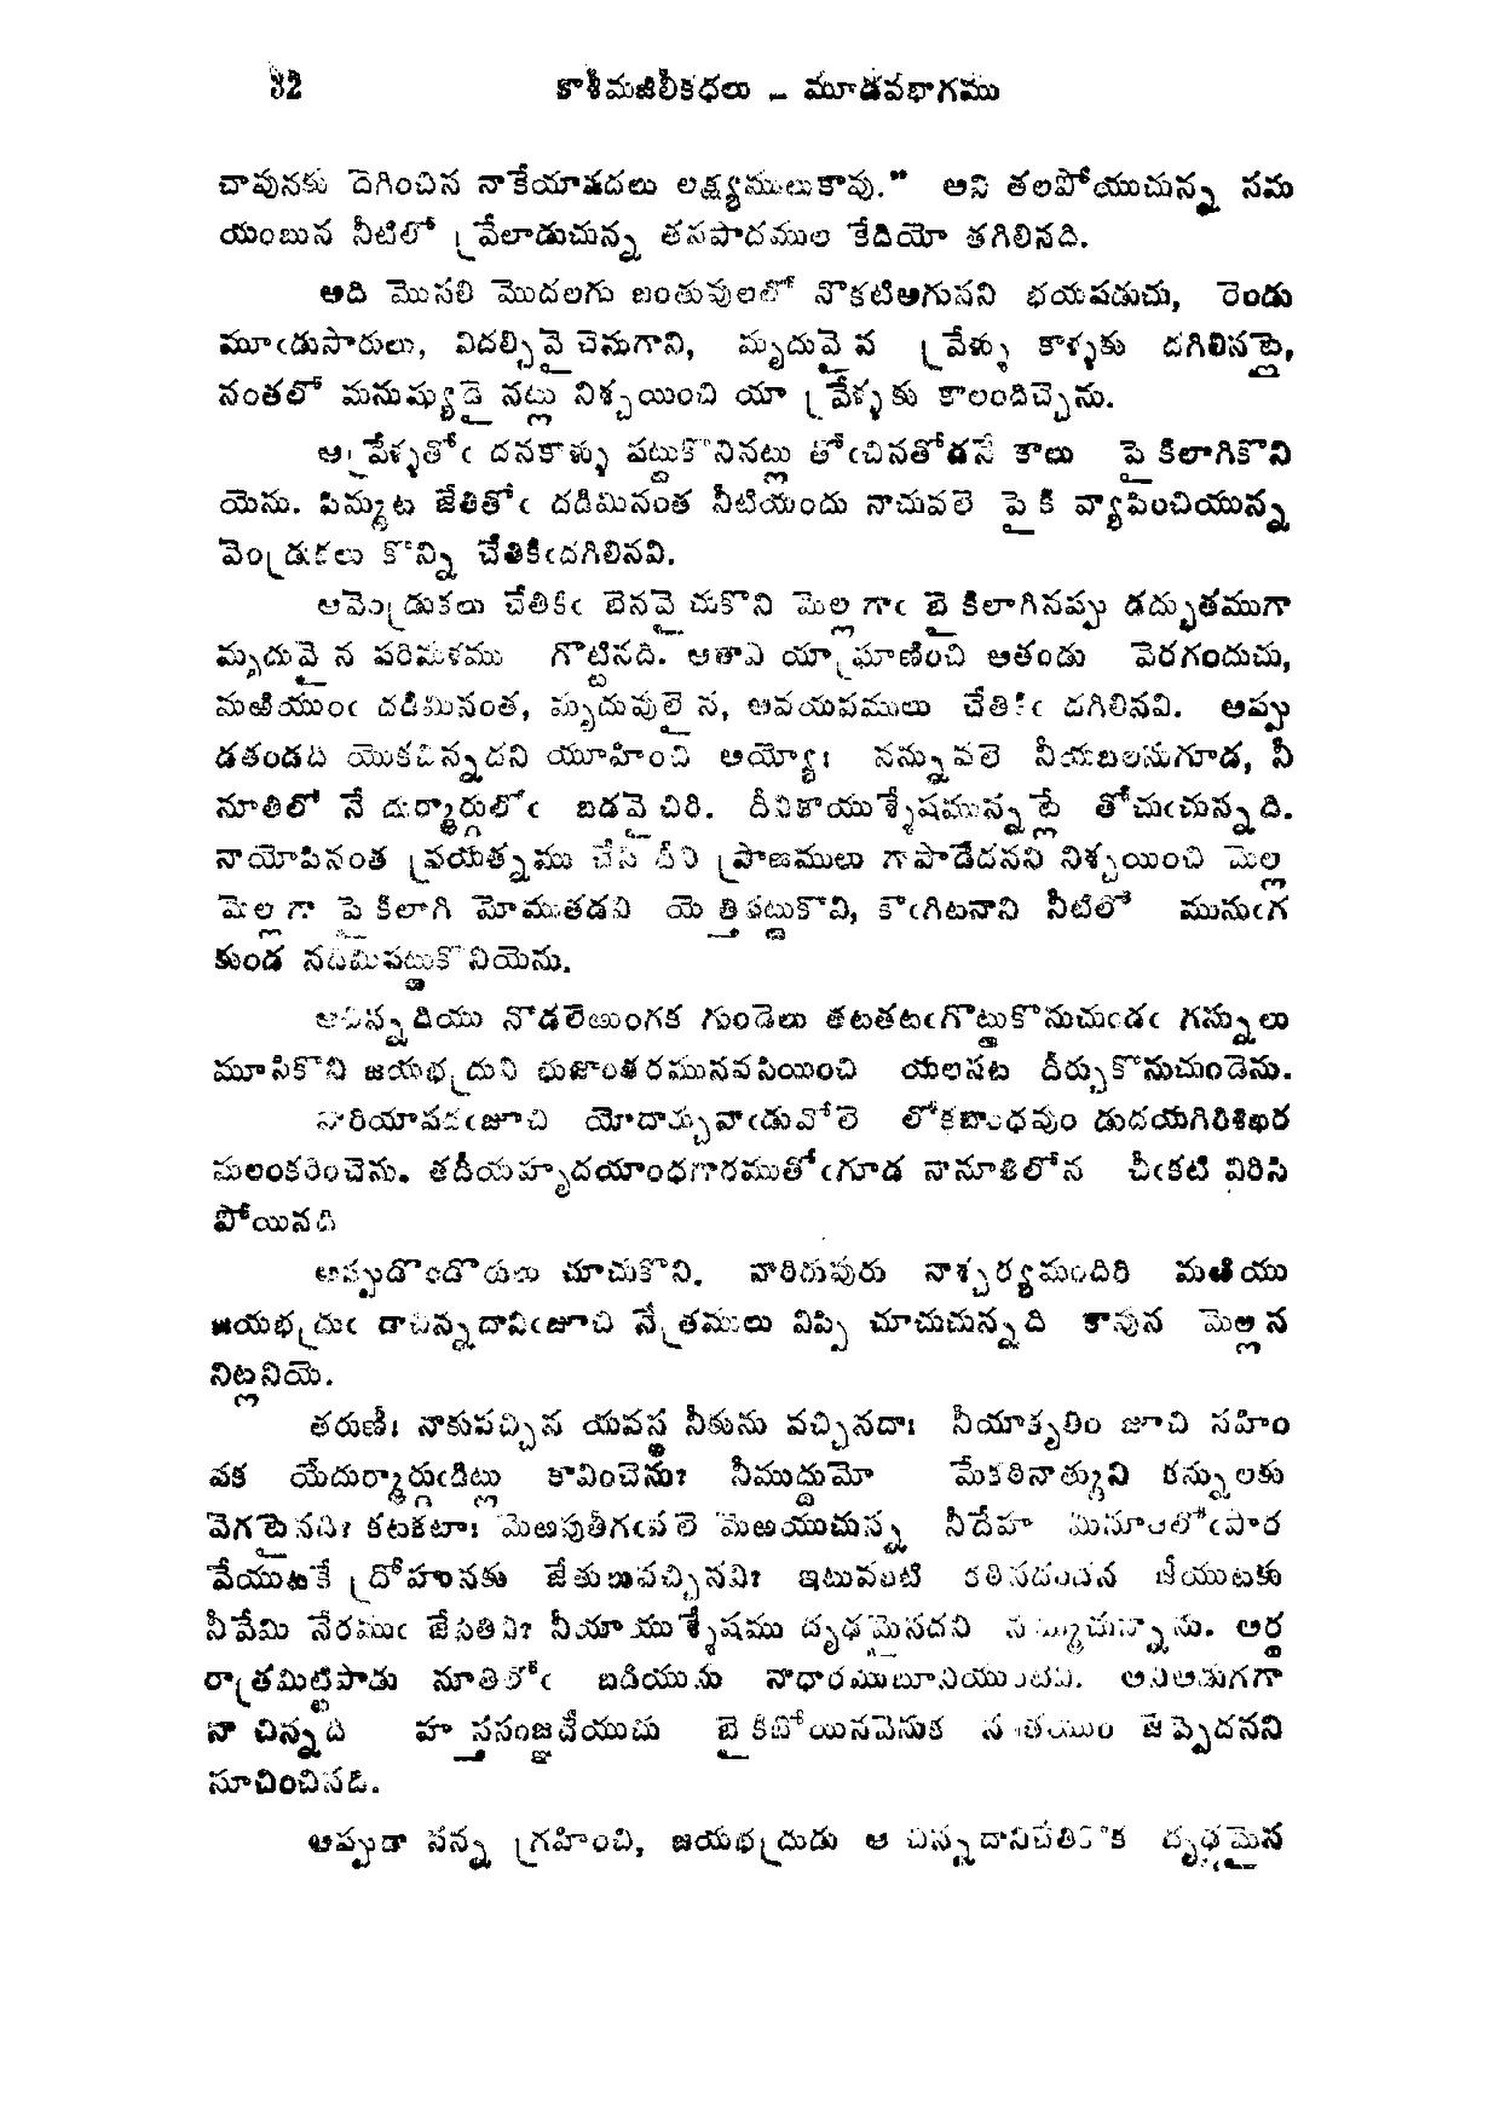చావునకు దెగించిన నాకేయాపదలు లక్ష్యములుకావు." అని తలపోయుచున్న సమయంబున నీటిలో
వ్రేలాడుచున్న తనపాదముల కేదియో తగిలినది.

అది మొసలి మొదలగు జంతువులలో నొకటిఅగునని భయపడుచు, రెండుమూఁడుసారులు విదల్చి వైచెనుగాని, మృదువైన వ్రేళ్ళు కాళ్ళకు దగిలినట్లై, నంతలో మనుష్యుడై నట్లు నిశ్చయించి యా వ్రేళ్ళకు కాలందిచ్చెను.

ఆవ్రేళ్ళతోఁ దనకాళ్ళు పట్టుకొ"నినట్లు తోఁచినతోడనే కాలు పైకిలాగికొనియెను. పిమ్మట జేతితోఁ దడిమినంత నీటియందు నాచువలె పైకి వ్యాపించియున్న వెండ్రుకలు కొన్ని చేతికిఁ దగిలినవి.

ఆవెండ్రుకలు చేతికిఁ బెనవైచుకొని మెల్లగాఁ బైకిలాగినప్పు డద్భుతముగా మృదువైన పరిమళము
గొట్టినది. ఆతావి యాఘ్రాణించి అతండు వెరగందుచు, మఱియుం దడిమినంత, మృదువులైన, అవయవములు చేతికిఁ దగిలినవి. అప్పు డతండది యొకచిన్నదని యూహించి అయ్యో! నన్ను వలె నీయబలనుగూడ, నీ నూతిలో నే దుర్మార్గులోఁ బడవైచిరి. దీని కాయుశ్శేషమున్నట్లే తోచుఁచున్నది.
నాయోపినంత ప్రయత్నము చేసి దీని ప్రాణములు గాపాడెదనని నిశ్చయించి మెల్లమెల్లగా పైకిలాగి మోము తడవి యెత్తిపట్టుకొని, కౌఁగిటనాని నీటిలో మునుఁగ కుండ నదిమిపట్టుకొనియెను.

ఆచిన్నదియు నొడలెఱుంగక గుండెలు తటతటఁగొట్టుకొనుచుండఁ గన్నులు మూసికొని జయభద్రుని భుజాంతరమున వసియించి యలసట దీర్చుకొనుచుండెను.

వారియాపదఁ జూచి యోదార్చువాఁడువోలె లోకబాంధవుం డుదయగిరిశిఖర మలంకరించెను. తదీయ హృదయాంధగారముతోఁగూడ నానూతిలోన చీఁకటి విరిసిపోయినది

అప్పు డొండొరులు చూచుకొని, వారిరువురు నాశ్చర్యమందిరి మఱియు జయభద్రుఁ డాచిన్నదానిఁజూచి నేత్రములు విప్పి చూచుచున్నది కావున మెల్లన నిట్లనియె.

తరుణీ! నాకువచ్చిన యవస్థ నీకును వచ్చినదా! నీయాకృతిం జూచి సహింవక యేదుర్మార్గుఁడిట్లు కావించెను? నీముద్దుమో మేకఠినాత్ముని కన్నులకు వెగటైనది? కటకటా! మెఱపుతీగఁవలె మెఱయుచున్న నీదేహ మీనూతిలోఁ పారవేయుట కేద్రోహునకు జేతులువచ్చినవి. ఇటువంటి కఠినదండన జేయుటకు నీ వేమి నేరముఁ జేసితివి? నీయాయుశ్శేషము దృఢమైనదని నమ్ముచున్నాను. అర్థరాత్ర మిట్టిపాడునూతిలోఁ బడియును నాధారముబూనియుంటివి. అనిఅడుగగా నా చిన్నది హస్తసంజ్ఞచేయుచు బైకిబోయినవెనుక నంతయుం జెప్పెదనని సూచించినది.

అప్పు డాసన్న గ్రహించి, జయభద్రుడు ఆ చిన్నదానిచేతి కొకదృఢమైన